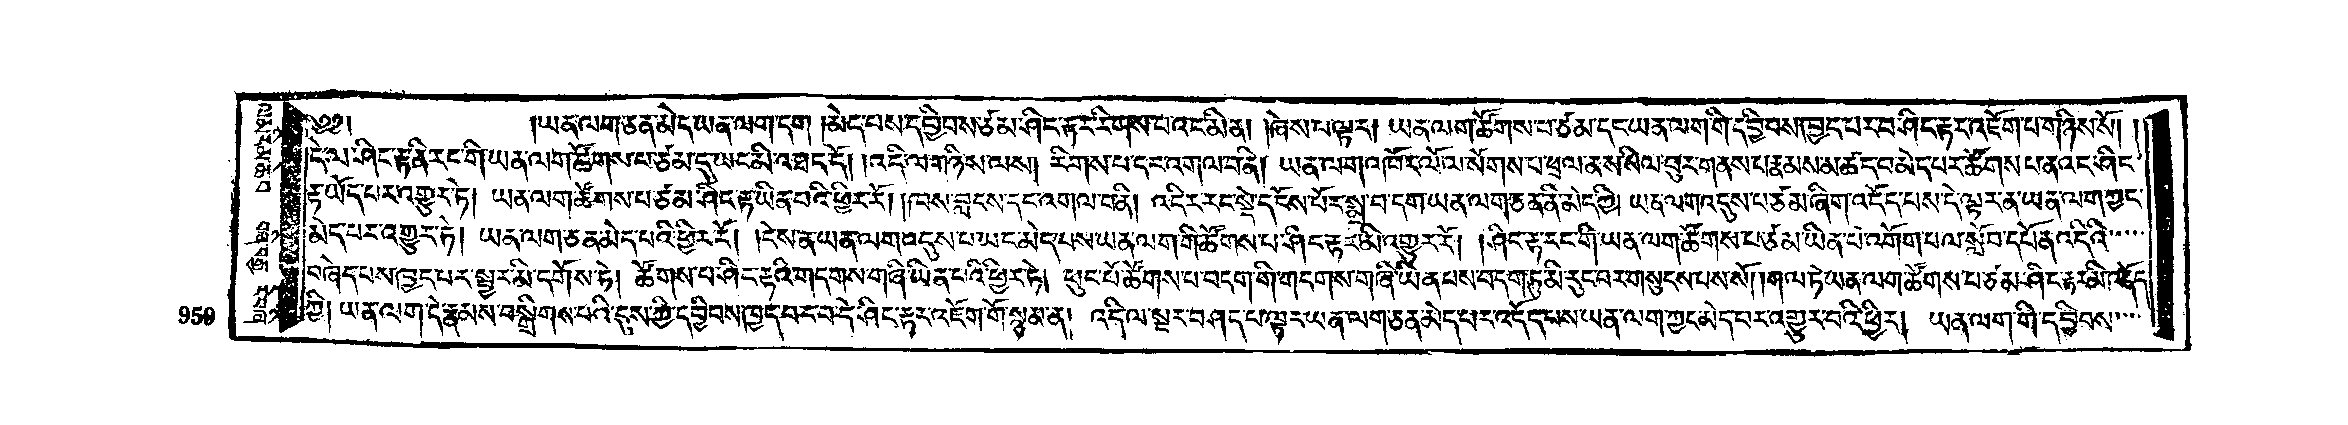༄༅། །ཡན་ལག་ཅན་མེད་ཡན་ལག་དག །མེད་པས་དབྱིབས་ཙམ་ཤིང་རྟར་རིགས་པའང་མིན། །ཞེས་པ་ལྟར། ཡན་ལག་ཚོགས་པ་ཙམ་དང་ཡན་ལག་གི་དབྱིབས་ཁྱད་པར་བ་ཤིང་རྟར་འཇོག་པ་གཉིས་སོ། །
དེ་ལ་ཤིང་རྟ་ནི་རང་གི་ཡན་ལག་ཚོགས་པ་ཙམ་དུ་ཡང་མི་འཐད་དོ། །འདི་ལ་གཉིས་ལས། རིགས་པ་དང་འགལ་བ་ནི། ཡན་ལག་འཁོར་ལོ་ལ་སོགས་པ་ཕྲལ་ནས་སིལ་བུར་གནས་པ་རྣམས་མ་ཚང་བ་མེད་པར་ཚོགས་པ་ནའང་ཤིང་
རྟ་ཡོད་པར་འགྱུར་ཏེ། ཡན་ལག་ཚོགས་པ་ཙམ་ཤིང་རྟ་ཡིན་པའི་ཕྱིར་རོ། །ཁས་བླངས་དང་འགལ་བ་ནི། འདིར་རང་སྡེ་དངོས་པོར་སྨྲ་བ་དག་ཡན་ལག་ཅན་ནི་མེད་ཀྱི། ཡན་ལག་འདུས་པ་ཙམ་ཞིག་འདོད་པས་དེ་ལྟར་ན་ཡན་ལག་ཀྱང་
མེད་པར་འགྱུར་ཏེ། ཡན་ལག་ཅན་མེད་པའི་ཕྱིར་རོ། །དེས་ན་ཡན་ལག་འདུས་པ་ཡང་མེད་པས་ཡན་ལག་གི་ཚོགས་བ་ཤིང་རྟར་མི་འགྱུར་རོ། །ཤིང་རྙ་རང་གི་ཡན་ལག་ཚོགས་པ་ཙམ་ཡིན་པ་འགོག་པ་ལ་སློབ་དཔོན་འདིའི་
བཞེད་པས་ཁྱད་པར་སྦྱར་མི་དགོས་ཏེ། ཚོགས་པ་ཤིང་རྟའི་གདགས་གཞི་ཡིན་པའི་ཕྱིར་ཏེ། ཕུང་པོ་ཚོགས་པ་བདག་གི་གདགས་གཞི་ཡིན་པས་བདག་ཏུ་མི་རུང་བར་གསུངས་པས་སོ། །གལ་ཏེ་ཡན་ལག་ཚོགས་པ་ཙམ་ཤིང་རྟར་མི་འདོད་
ཀྱི༑ ཡན་ལག་དེ་རྣམས་བསྒྲིགས་པའི་དུས་ཀྱི་དབྱིབས་ཁྱད་པར་བ་དེ་ཤིང་རྟར་འཇོག་གོ་སྙམ་ན། འདི་ལ་སྔར་བཤད་པ་ལྟར་ཡན་ལག་ཅན་མེད་པར་འདོད་པས་ཡན་ལག་ཀྱང་མེད་པར་འགྱུར་བའི་ཕྱིར། ཡན་ལག་གི་དབྱིབས་